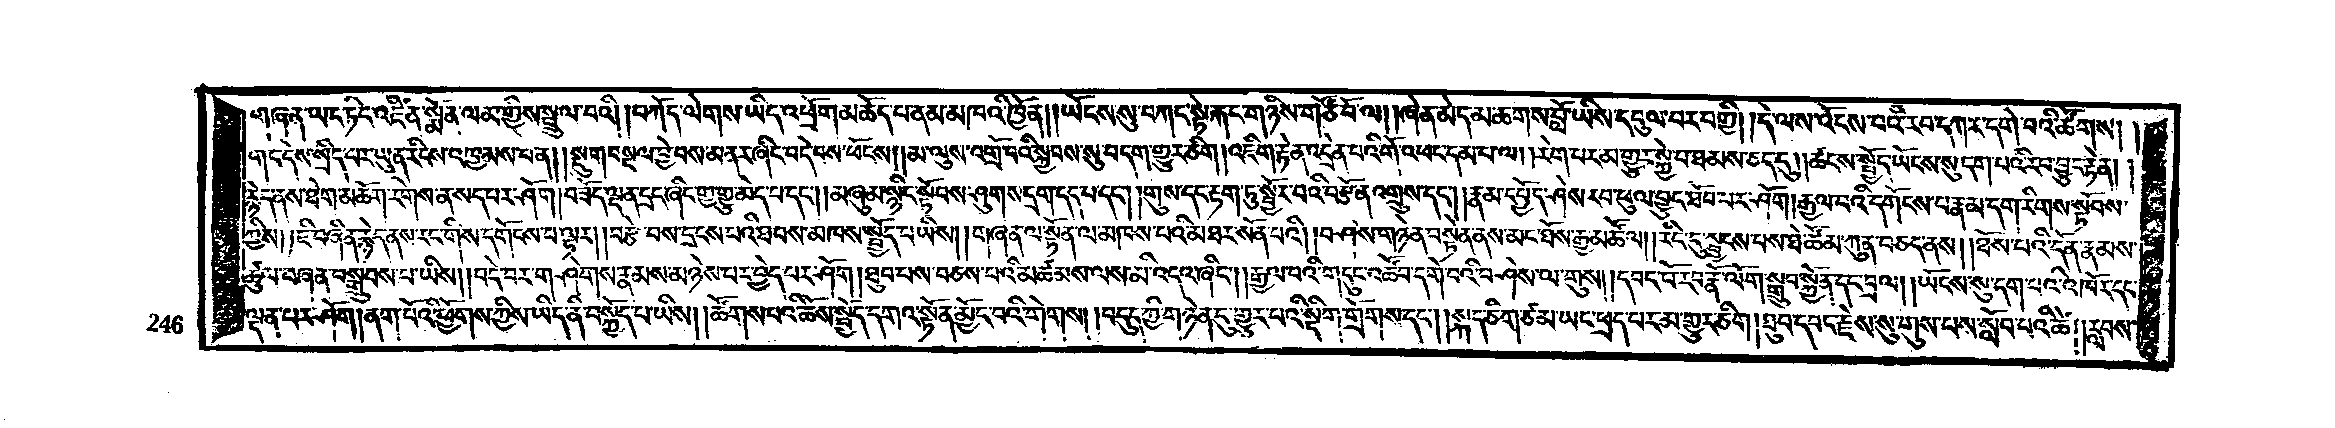གཞན་ཡང་ཏིང་འཛིན་སྨོན་ལམ་གྱིས་སྒྲུལ་བའི། །བཀོད་ལེགས་ཡིད་འཕྲོག་མཆོད་པ་ནམ་མཁའི་ཁྱོན། །ཡོངས་སུ་བཀང་སྟེ་རྐང་གཉིས་གཙོ་བོ་ལ། །ཞེན་མེད་མ་ཆགས་བློ་ཡིས་དབུལ་བར་བགྱི། །དེ་ལས་འོངས་པའི་རབ་དཀར་དགེ་བའི་ཚོགས། །
གང་དེས་སྲིད་པར་ཡུན་རིངས་འཁྱམས་པ་ན། །སྡུག་བསྔལ་བྱེ་བས་མནར་ཞིང་བདེ་བས་ཕོངས། །མ་ལུས་འགྲོ་བའི་སྐྱབས་སུ་བདག་གྱུར་ཅིག །འཇིག་རྟེན་འདྲེན་པའི་གོ་འཕང་དམ་པ་ལ། །རེག་པར་མ་གྱུར་སྐྱེ་བ་ཐམས་ཅད་དུ། །ཚངས་སྤྱོད་ཡོངས་སུ་དག་པའི་རབ་བྱུང་རྟེན། །
རྟེན་ནས་ཐེག་མཆོག་རིགས་ན་སད་པར་ཤོག །བཟོད་ལྡན་དྲང་ཞིང་གྱ་གྱུ་མེད་པ་དང་། །མྮུམ་སྙིང་སྟོབས་ཤུགས་དྲག་དད་པ་དང་། །གུས་དང་རྟག་ཏུ་སྦྱོར་བའི་བརྩོན་འགྲུས་དང་། །རྣམ་དཔྱོད་ཤེས་རབ་ཕུལ་བྱུང་ཐོབ་པར་ཤོག །རྒྱལ་བའི་དགོངས་པ་རྣམ་དག་རིགས་སྟོབས་
ཀྱིས༑ ༑ཇི་བཞིན་རྙེད་ནས་རང་གིས་དགོངས་པ་ལྟར། །བརྩེ་བས་དྲངས་པའི་ཐབས་མཁས་སྤྱོད་པ་ཡིས། །གཞན་ལ་སྟོན་ལ་མཁས་པའི་མཐར་སོན་པའི། །བཤེས་གཉེན་བསྟེན་ནས་མང་ཐོས་རྒྱ་མཚོ་ལ། །རིང་དུ་སྦྱངས་པས་ཐེ་ཚོམ་ཀུན་བཅད་ནས། །ཐོས་པའི་དོན་རྣམས་
ཚུལ་བཞིན་བསྒྲུབས་པ་ཡིས། །བདེ་བར་གཤེགས་རྣམས་མཉེས་པར་བྱེད་པར་ཤོག །ཐུབ་པས་བཅས་པའི་མཚམས་ལས་མི་འདའ་ཞིང་། །རྒྱལ་བའི་གདུང་འཚོབ་དགེ་བའི་བཤེས་ལ་གུས། །དབང་པོ་རབ་རྣོ་ལོག་སྒྲུབ་སྐྱོན་དང་བྲལ། །ཡོངས་སུ་དག་པའི་འཁོར་དང་
ལྡན་པར་ཤོག །ནག་པོའི་ཕྱོགས་ཀྱིས་ཡིད་ནི་བསྐྱོད་པ་ཡིས། །ཚོགས་པའི་ཆོས་སྤྱོད་དགའ་སྟོན་མྱོང་བའི་གེགས། །བདུད་ཀྱི་གཉེན་དུ་གྱུར་བའི་སྡིག་གྲོགས་དང་། །སྐད་ཅིག་ཙམ་ཡང་ཕྲད་པར་མ་གྱུར་ཅིག །ཐུབ་དབང་རྗེས་སུ་གུས་པས་སློབ་པའི་ཚེ། །རླབས་